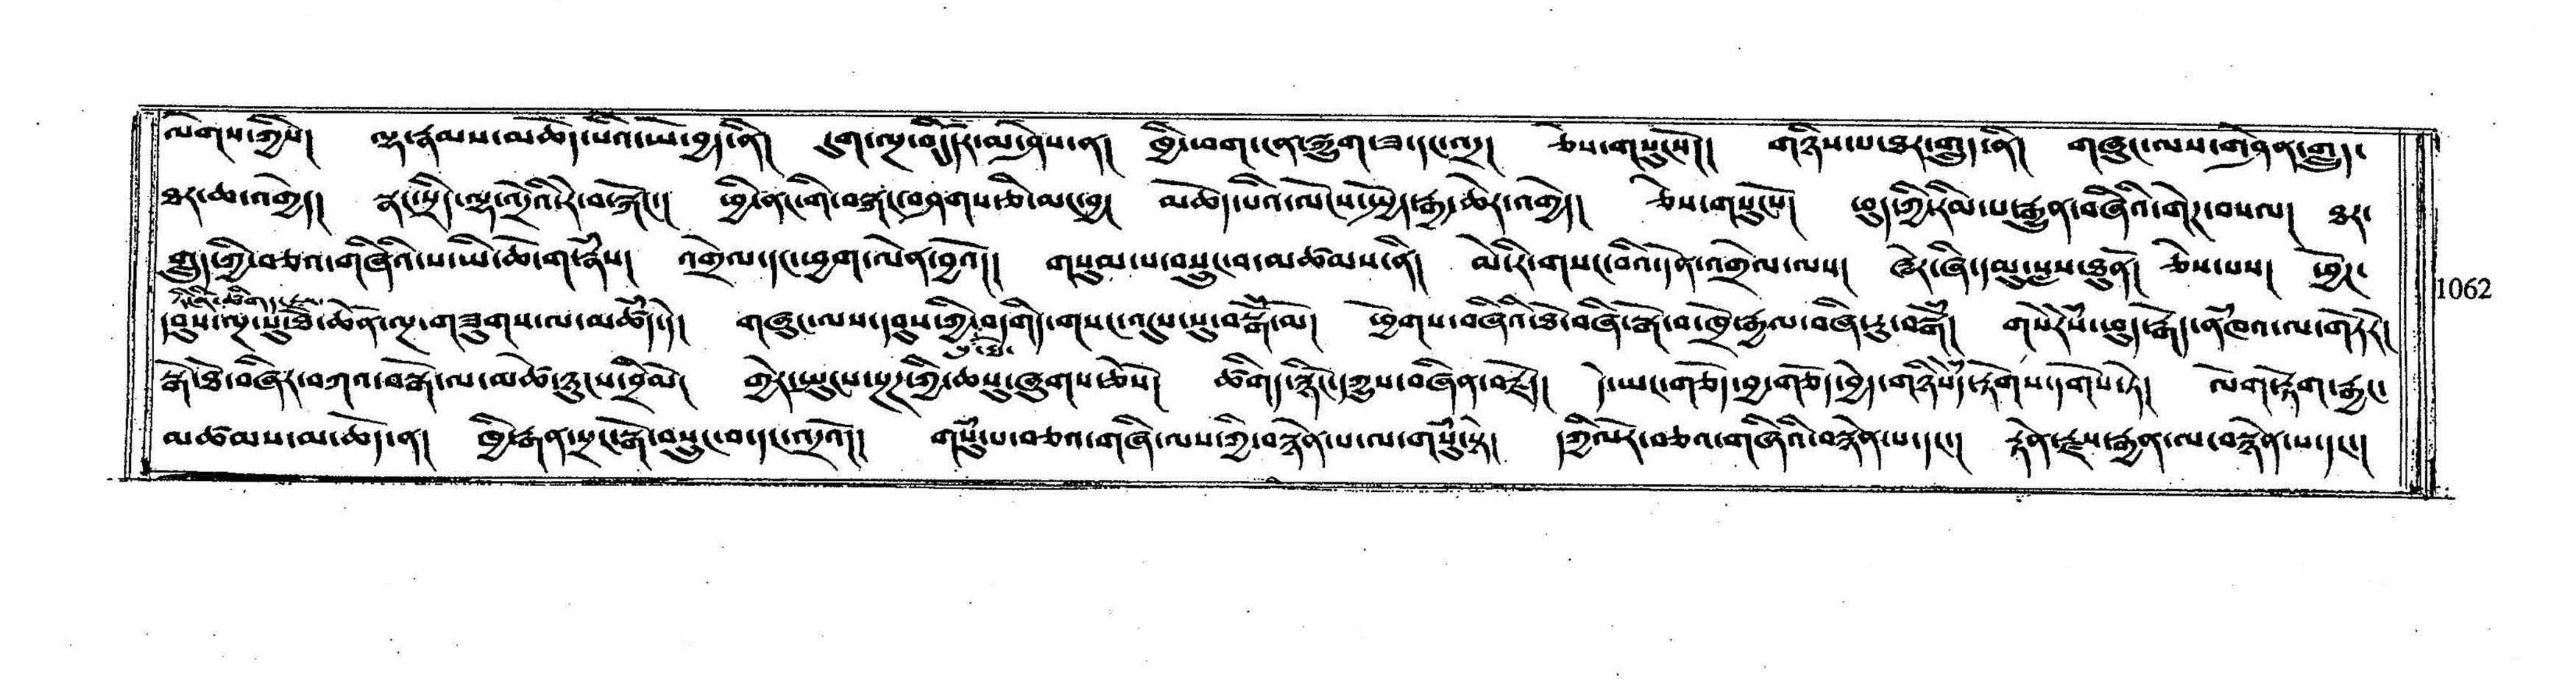ལེགས་ཀྱིས། ལྷ་རྣམས་མཆོད་པའི་ཡོ་བྱད་ནི། དུག་ལྔ་བདུད་རྩིར་མ་ཤེས་ན། ཁྱི་ཕག་ངན་སྐྱུག་ཟ་དང་འདྲ། ཅེས་གསུངས་སོ།། གཉིས་པ་ཐར་གླུད་ནི། གཞུང་ལས་གཤེན་གླུད་
ཐར་ཆ་འགྱེད། སྣང་སྲིད་ལྷ་འདྲེའི་རེ་བ་སྐོང་། ཕྱི་ནང་གི་བསྐང་བཤགས་ཅི་མང་བྱ། མཆོད་པའི་ལོངས་སྤྱོད་རྒྱ་ཆེར་འགྱེད། ཅེས་གསུངས་སོ། ཕུད་ཀྱི་རིམ་པ་རྒྱུན་བཞིའི་གེགས་བསལ། ཐར་
གླུད་ཀྱི་བཅའ་གཞིའི་ས་ཡི་ཆོ་ག་རྣམས། འགྲེལ་དང་ཕྱག་ལེན་བྱའོ།། གསུམ་པ་བསྲུང་བ་མཚམས་ནི། མེ་རི་གསང་བའི་དོན་འགྲེལ་ལས། ཝེར་ཞི་དམུ་སླས་ཐུན་ནོ། ཅེས་པས། ཕྱོགས་
དབུས་ཏིང་འཛིན་ཚིག་བཤད་རྫས་ལྔ་སུ་ཐོ་ཆེན་པོ་ལྔ་གཟུགས་ལ་མཚམས་བཅད་དེ། གཞུང་ལས་དབུས་ཀྱི་པུ་ཐོ་བདག་ཉིད་གསང་འདུས་སུ་བསྒོམ་མོ། ཕྱོགས་བཞིའི་ཐོ་བཞི་སྒོ་བ་ཁྲོ་རྒྱལ་བཞི་ཏུ་བསྒོམ། གསེར་སྐྱེམས་ཕུད་རྒོད་ནམ་མཁའ་ལ་གཏོར་རོ། 
སྒོ་ཐོ་བཞིར་བཀའ་བསྒོ་ལ་མཚེ་ཉུངས་བྲིམ་མོ། གྱེར་སྤུངས་སྔགས་ཀྱི་ཆས་སུ་ཞུགས་ཅེས་སོ། ཚིག་བཤད་སྙིང་པོ་དཀྱུས་བཞིན་བརྗོད། དེ་ཡང་གཅོད་བྱ་གཅོད་བྱེད་གཉིས་མེད་རྟོགས་དགོས་ཏེ། ལོག་རྟོག་རྒྱང་
མཚམས་མ་ཆོད་ན། ཁྱི་རྒན་སྲང་སྒོ་བསྲུང་བ་དང་འདྲའོ།། གསུམ་པ་བཅའ་གཞི་ལས་ཀྱི་བསྙེན་པ་ལ་གསུམ་སྟེ། དཀྱིལ་འཁོར་བཅའ་གཞིའི་བསྙེན་པ་དང་། རྟེན་རྫས་རྒྱན་ལ་བསྙེན་པ་དང་།